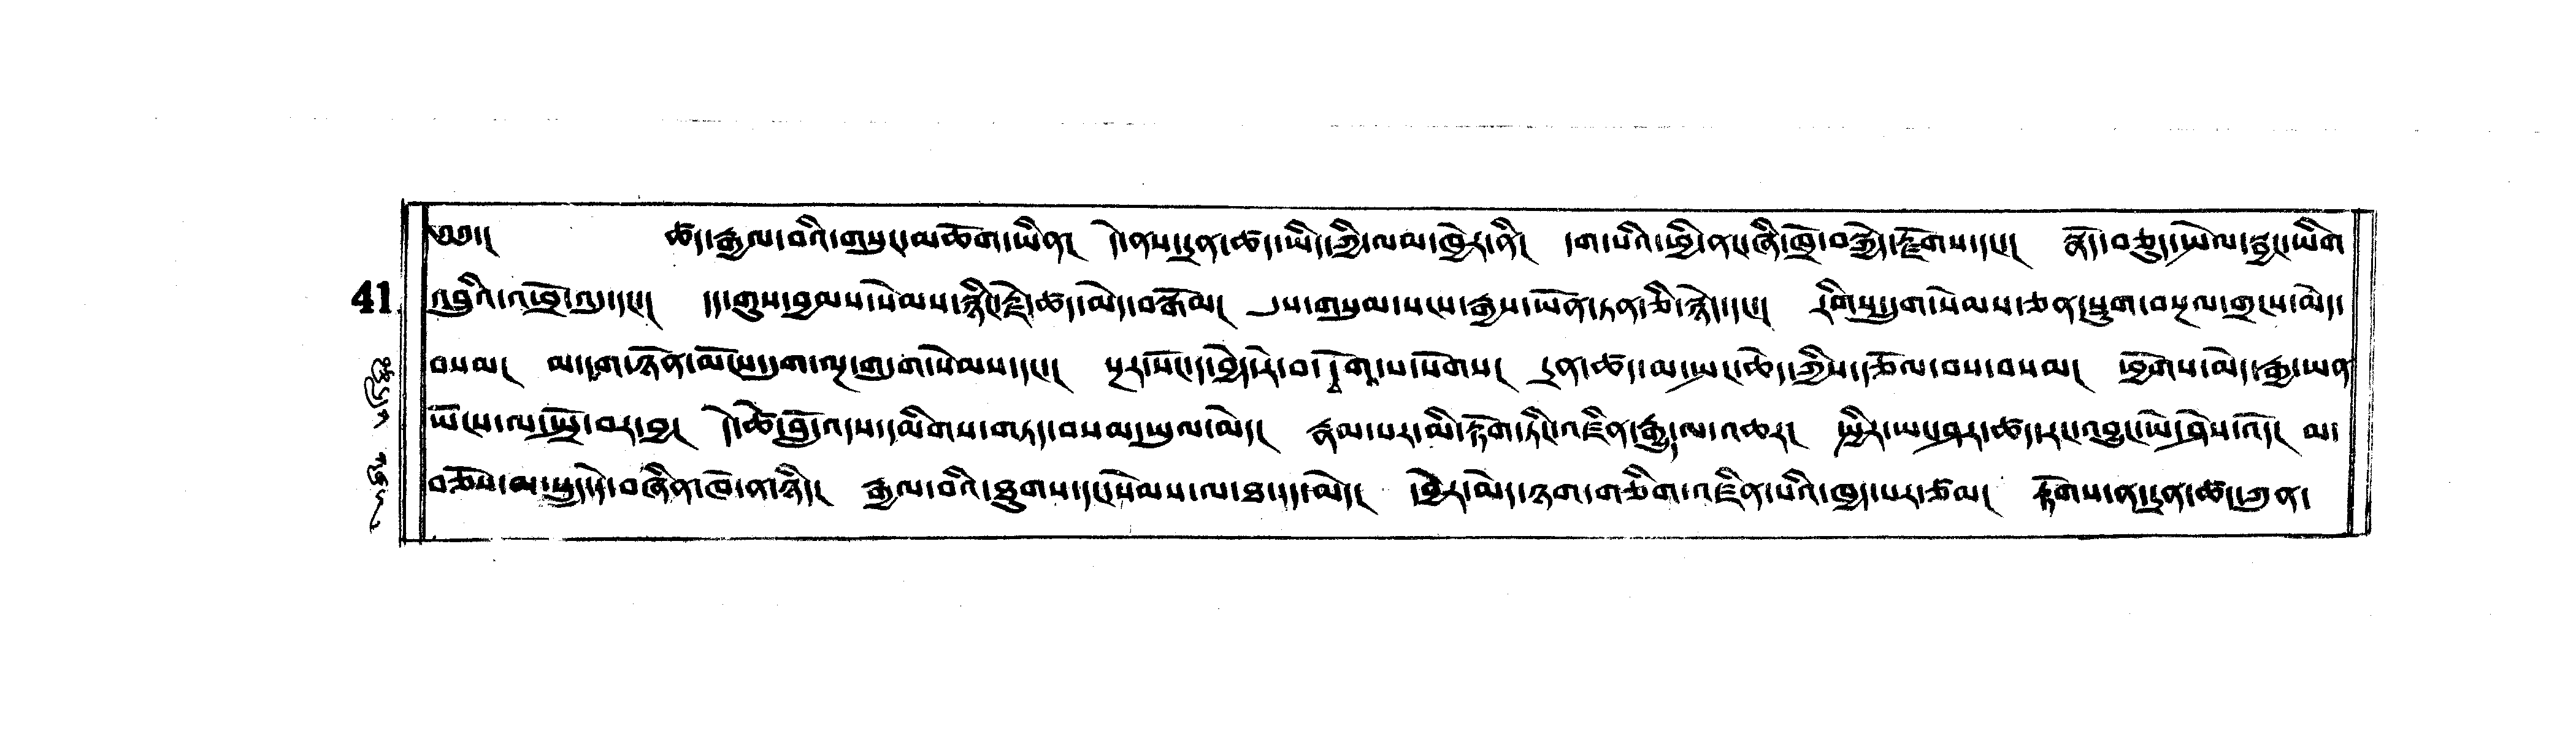ཚད་རྒྱལ་བའི་གསུང་མཆོག་ཡིན། དེ་ནས་དྲན་ཚད་ཡིད་ཀྱི་ལམ་ཁྱེར་ནི། དག་པའི་ཕྱི་ནང་ཞི་ཁྲོ་བསྐྱེད་རྫོགས་དང་། སྣོད་བཅུད་སྤེལ་སྦྱངས་ཡིག་
འབྲུའི་འཕྲོ་འདུ་དང་། དད་གུས་བྱམས་སེམས་སྙིང་རྗེ་ཚད་མེད་བསྒོམས། དུས་གསུམ་སངས་རྒྱས་ཡོན་ཏན་ཅི་སྙེད་དང་། རིགས་དྲུག་སེམས་ཅན་སྡུག་བསྔལ་གྲངས་མེད་
བསམ། མ་དག་ཉོན་མོངས་དུག་ལྔ་གདུག་སེམས་དང་། སྔར་སོང་ད་བྱེད་རེ་བ་དྭོགས་པ་སོགས། དྲན་ཚད་མ་སྤངས་ཆེད་ཀྱི་རྩོལ་བས་བསམ། ཕྱོགས་མེད་རྒྱ་ཡན་
ཡོངས་་སྤྲོ་བར་བྱ། དེ་ཚེ་བློ་འདས་དམིགས་གཏད་བསམ་ཡུལ་མེད། རྣམ་པར་མི་རྟོག་ཏིང་འཛིན་རྒྱུད་ལ་འཆར། སྤྱིར་ཡང་ཤར་ཚད་རང་འབྱུང་ཡེ་ཤེས་འོད། མ་
བཅོས་མ་བསླད་དེ་བཞིན་ཁོ་ན་ཉིད། རྒྱལ་བའི་ཐུགས་དང་སེམས་ལ་ཐ་དད་མེད། དབྱེར་མེད་ཉག་ཅིག་འཛིན་པའི་ཁྱད་པར་ཙམ། རྟོགས་ན་དྲན་ཚད་ཀུན་